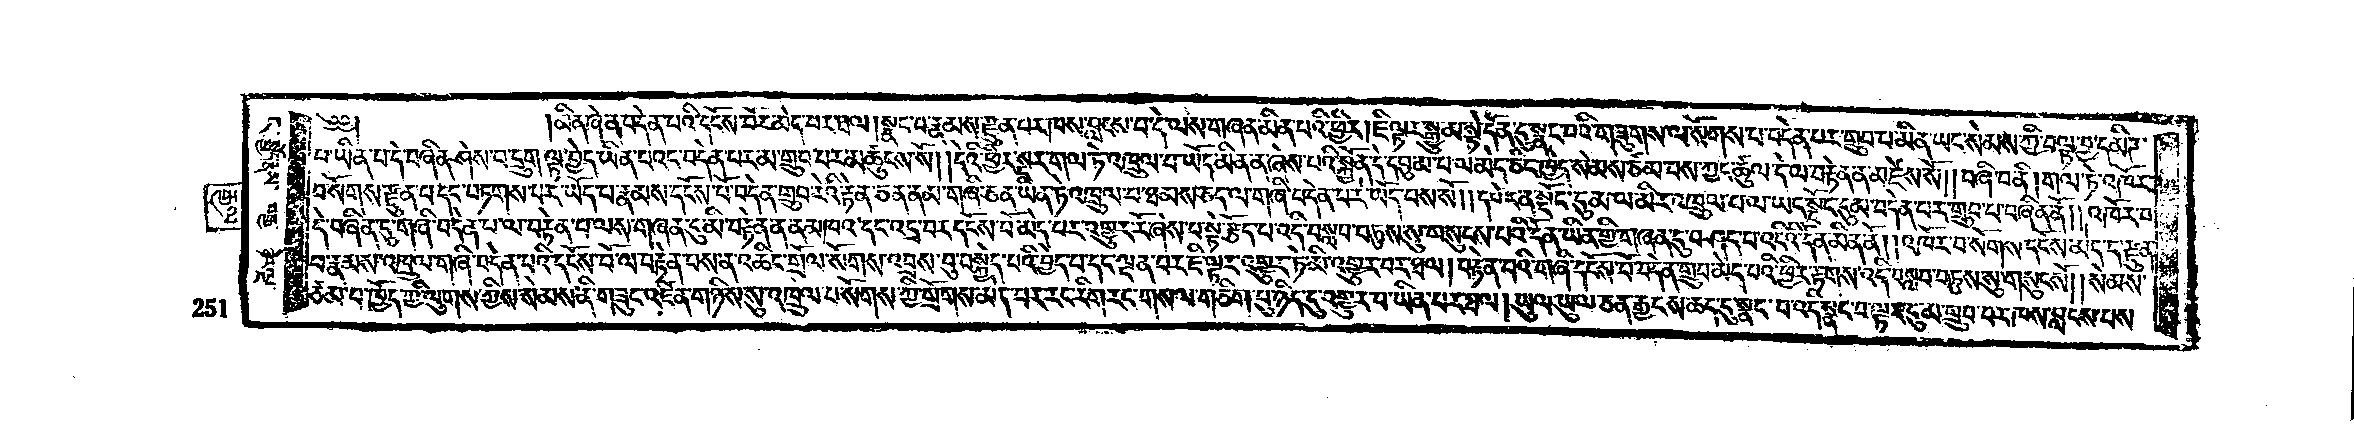༄༅། །མིན་ཞེ་ན་བདེན་པའི་དངོས་པོར་མེད་པར་ཐལ། སྣང་བ་རྣམས་རྫུན་པར་ཁས་བླངས་པ་དེ་ལས་གཞན་མིན་པའི་ཕྱིར། ཇི་ལྟར་སྒྱུ་མ་སྟེ་དོན་དུ་སྣང་བའི་གཟུགས་ལ་སོགས་པ་བདེན་པར་གྲུབ་པ་མིན་ཡང་སེམས་ཀྱི་བལྟ་བྱ་དམིགས་
པ་ཡིན་པ་དེ་བཞིན་ཤེས་པ་དྲུག་ལྟ་བྱེད་ཡིན་པའང་བདེན་པར་མ་གྲུབ་པར་མཚུངས་སོ། །དེའི་ཕྱིར་སྔར་གལ་ཏེ་འཁྲུལ་པ་ཡོད་མིན་ན་ཞེས་པའི་སྐྱོན་དེ་དབུ་མ་པ་ལ་མེད་ཅིང་ཁྱེད་སེམས་ཙམ་པས་ཀྱང་ཚུལ་དེ་ལ་བརྟེན་ན་མཛེས་སོ། །བཞི་པ་ནི། གལ་ཏེ་འཁོར་
བ་སོགས་རྫུན་པ་དང་བཏགས་པར་ཡོད་པ་རྣམས་དངོས་པོ་བདེན་གྲུབ་རེའི་རྟེན་ཅན་ནམ་གཞི་ཅན་ཡིན་ཏེ་འཁྲུལ་པ་ཐམས་ཅད་ལ་གཞི་བདེན་པ་རེ་ཡོད་པས་སོ། །དཔེར་ན་སྡོང་དུ་མ་ལ་མིར་འཁྲུལ་པ་ལ་ཡང་སྡོང་དུ་མ་བདེན་པར་གྲུབ་པ་བཞིན་ནོ། །འཁོར་
དེ་བཞིན་དུ་གཞི་བདེན་པ་ལ་བརྟེན་པ་ལས་གཞན་དུ་མི་བརྟེན་ན་ནམ་མཁའ་དང་འདྲ་བར་དངོས་པོ་མེད་པར་འགྱུར་རོ་ཞེས་པ་སྟེ་རྩོད་པ་འདི་བསླབ་བཏུས་སུ་གསུངས་པའི་དོན་ཡིན་གྱི་གཞན་དུ་བཤད་པ་འདིའི་དོན་མིན་ནོ། །འཁོར་བ་སོགས་དངོས་མེད་ད་རྫུན་
པ་རྣམས་འཁྲུལ་གཞི་བདེན་པའི་དངོས་པོ་ལ་བརྟེན་པས་ན་འཆིང་གྲོལ་སོགས་འབྲས་བུ་བསྐྱེད་པའི་བྱེད་པ་དང་ལྡན་པར་ཇི་ལྟར་འགྱུར་ཏེ་མི་འགྱུར་བར་ཐལ། བརྟེན་པའི་གཞི་དངོས་པོ་བདེན་གྲུབ་མེད་པའི་ཕྱིར་རྟགས་འདི་བསླབ་བཏུས་སུ་གསུངས་སོ། །སེམས་
ཙམ་པ་ཁྱོད་ཀྱི་ལུགས་ཀྱིས་སེམས་ནི་གཟུང་འཛིན་གཉིས་སུ་འཁྲུལ་པ་སོགས་ཀྱི་གྲོགས་མེད་པར་རང་རིག་རང་གསལ་གཅིག་པུ་ཉིད་དུ་འགྱུར་བ་ཡིན་པར་ཐལ། ཡུལ་ཡུལ་ཅན་རྒྱངས་ཆད་དུ་སྣང་བ་འདི་སྣང་བ་ལྟར་དུ་མ་གྲུབ་པར་ཁས་བླངས་པས་